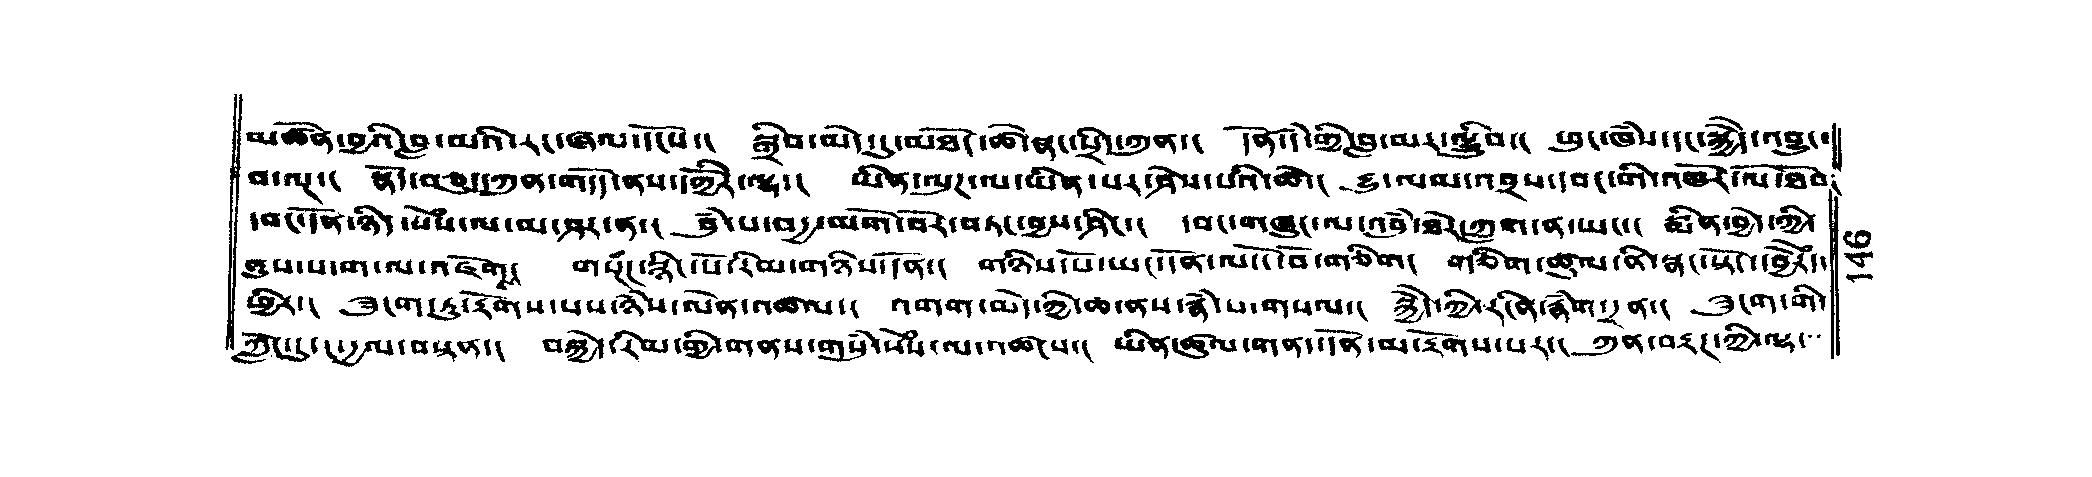།མཚོན་བྱ་ཡི་བླ་མའི་རང་ཞལ་དངོས། །སྒྲིབ་མེད་དུ་མཐོང་ཚེ་སྣང་སྲིད་ཀུན། །དོན་དམ་གྱི་བླ་མར་ལྷུན་གྱིས་གྲུབ། །ཕུང་ཁམས་དང་སྐྱེ་མཆེད་འབྱུང་
བ་ལྔ། །སྣོད་བཅུད་ཀུན་གདོད་ནས་དཀྱིལ་འཁོར་ལྷ། །ཡིན་ལུགས་ལ་ཡིན་པར་ཤེས་པའི་ཚེ། །རྒྱུ་ལམ་འབྲས་དབང་གི་འཁོར་ལོ་ཐོབ། །
དབང་དོན་ཉིད་སེམས་ལ་མ་ཤར་ན། །བུམ་པ་བརྒྱ་མགོ་བོར་བཏང་བྱས་ཤིང་། །དབང་གཞུང་ལ་འབུམ་ཐེར་ཀླག་ན་ཡང་། །སྨིན་བྱེད་ཀྱི་
ནུས་པ་ག་ལ་འཇོག གསང་སྔགས་སྙིང་པོ་རིམ་གཉིས་དོན། །གཉིས་པོ་ཡང་དོན་ལ་ངོ་བོ་གཅིག །གཅིག་ཚུལ་ནི་སྣང་སྟོང་དབྱེར་མེད་
ཕྱིར། །ཟུང་འཇུག་ཏུ་རྟོགས་པས་ཉམས་ལེན་འཚལ། །འགགས་མེད་ཀྱི་ཆ་ནས་རྣམ་པ་གསལ། །སྐྱེ་མེད་ཀྱི་རང་བཞིན་རྣམ་དག་དྲན། །ཟུང་འཇུག་གི་
ཀློང་དུ་ང་རྒྱལ་བརྟན། །བསྐྱེད་རིམ་གྱི་གནས་གསུམ་སེམས་ལ་འཚངས། །ཡིན་ཚུལ་གནད་དོན་མ་རྟོགས་པར། །ཀུན་བརྟགས་ཀྱི་ལྷ་